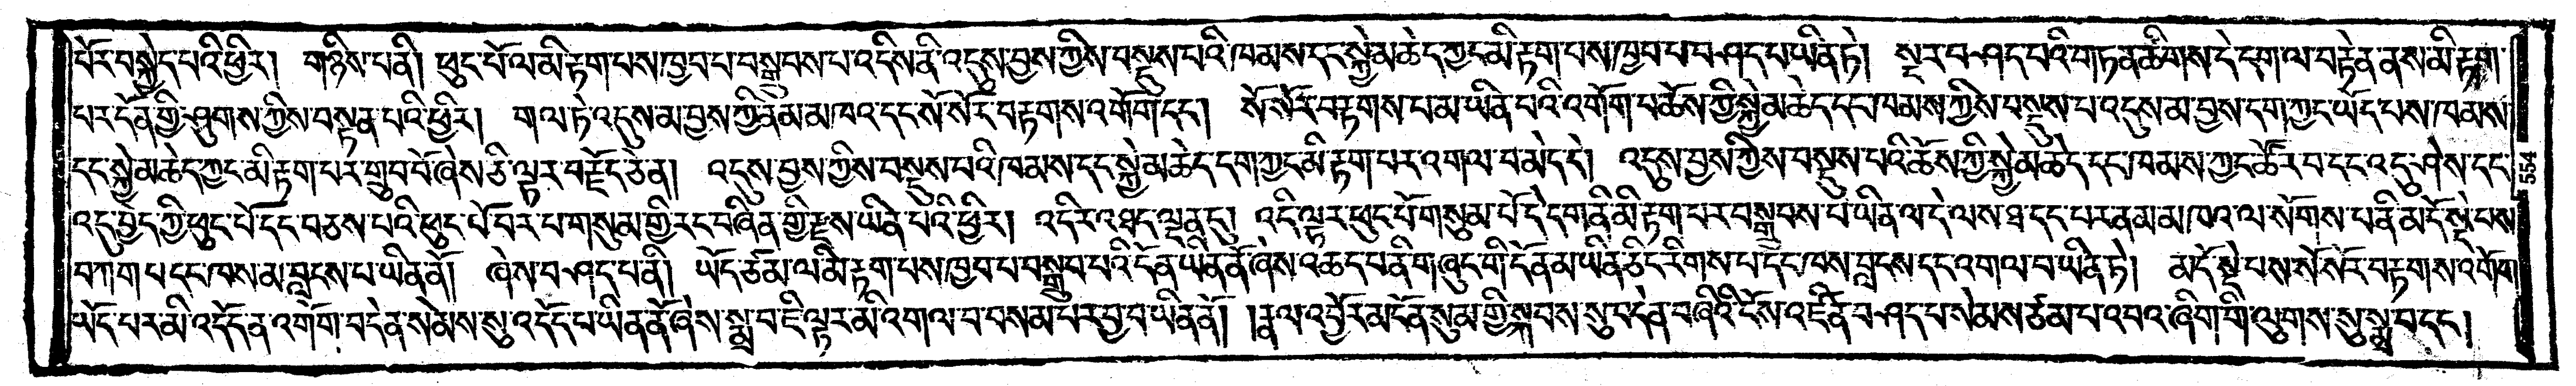བོར་བསྐྱེད་པའི་ཕྱིར། གཉིས་པ་ནི། ཕུང་པོ་ལ་མི་རྟག་པས་ཁྱབ་པ་བསྒྲུབས་པ་འདིས་ནི་འདུས་བྱས་ཀྱིས་བསྡུས་པའི་ཁམས་དང་སྐྱེ་མཆེད་ཀྱང་མི་རྟག་པས་ཁྱབ་པ་བཤད་པ་ཡིན་ཏེ། སྔར་བཤད་པའི་གཏན་ཚིགས་དེ་དག་ལ་བརྟེན་ནས་མི་རྟག་
པར་དོན་གྱི་ཤུགས་ཀྱིས་བསྟན་པའི་ཕྱིར། གལ་ཏེ་འདུས་མ་བྱས་ཀྱི་ནམ་མཁའ་དང་སོ་སོར་བརྟགས་འགོག་དང་། སོ་སོར་བརྟགས་པ་མ་ཡིན་པའི་འགོག་པ་ཆོས་ཀྱི་སྐྱེ་མཆེད་དང་ཁམས་ཀྱིས་བསྡུས་པ་འདུས་མ་བྱས་དག་ཀྱང་ཡོད་པས་ཁམས་
དང་སྐྱེ་མཆེད་ཀྱང་མི་རྟག་པར་གྲུབ་བོ་ཞེས་ཅི་ལྟར་བརྗོད་ཅེ་ན། འདུས་བྱས་ཀྱིས་བསྡུས་པའི་ཁམས་དང་སྐྱེ་མཆེད་དག་ཀྱང་ཨི་རྟག་པར་འགལ་བ་མེད་དེ། འདུས་བྱས་ཀྱིས་བསྡུས་པའི་ཆོས་ཀྱི་སྐྱེ་མཆེད་དང་ཁམས་ཀྱང་ཚོར་བ་དན་འདུ་ཤེས་དང་
འདུ་བྱེད་ཀྱི་ཕུང་པོ་དང་བཅས་པའི་ཕུང་པོ་བར་པ་གསུམ་གྱིས་རང་བཞིན་གྱི་རྫས་ཡིན་པའི་ཕྱིར། འདིར་འཐད་ལྔན་དུ། འདི་ལྟར་ཕུང་པོ་གསུམ་པོ་དེ་དག་ནི་མི་རྟག་པར་བསྒྲུབས་པ་ཡིན་ལ་དེ་ལས་ཐ་དང་པར་ནམ་མཁའ་ལ་སོགས་པ་ནི་མདོ་སྡེ་པས་
བཀག་པ་དང་ཁས་མ་བླངས་པ་ཡིན་ནོ། ཞེས་བཤད་པ་ནི། ཡོད་ཙམ་ལ་མི་རྟག་པས་ཁྱབ་པ་བསྒྲུབ་པའི་དོན་ཡིན་ནོ་ཞེས་འཆད་པ་ནི་གཞུང་གི་དོན་མ་ཡིན་ཅིང་རིགས་པ་དང་ཁས་བླངས་དང་འགལ་བ་ཡིན་ཏེ། མདོ་སྡེ་པས་སོ་སོར་བརྟགས་འགོག་
ཡོད་པར་མི་འདོད་ན་འགོག་བདེན་སེམས་སུ་འདོད་པ་ཡིན་ནོ་ཞེས་སྨྲ་བ་ཇི་ལྟར་མི་འགལ་བ་བསམ་པར་བྱ་བ་ཡིན་ནོ། །རྣལ་འབྱོར་མངོན་སུམ་གྱི་སྐབས་སུ་བདེན་བཞིའི་ངོས་འཛིན་བཤད་པ་སེམས་ཙམ་པ་འབའ་ཞིག་གི་ལུགས་སུ་སྨྲ་བ་དང་།